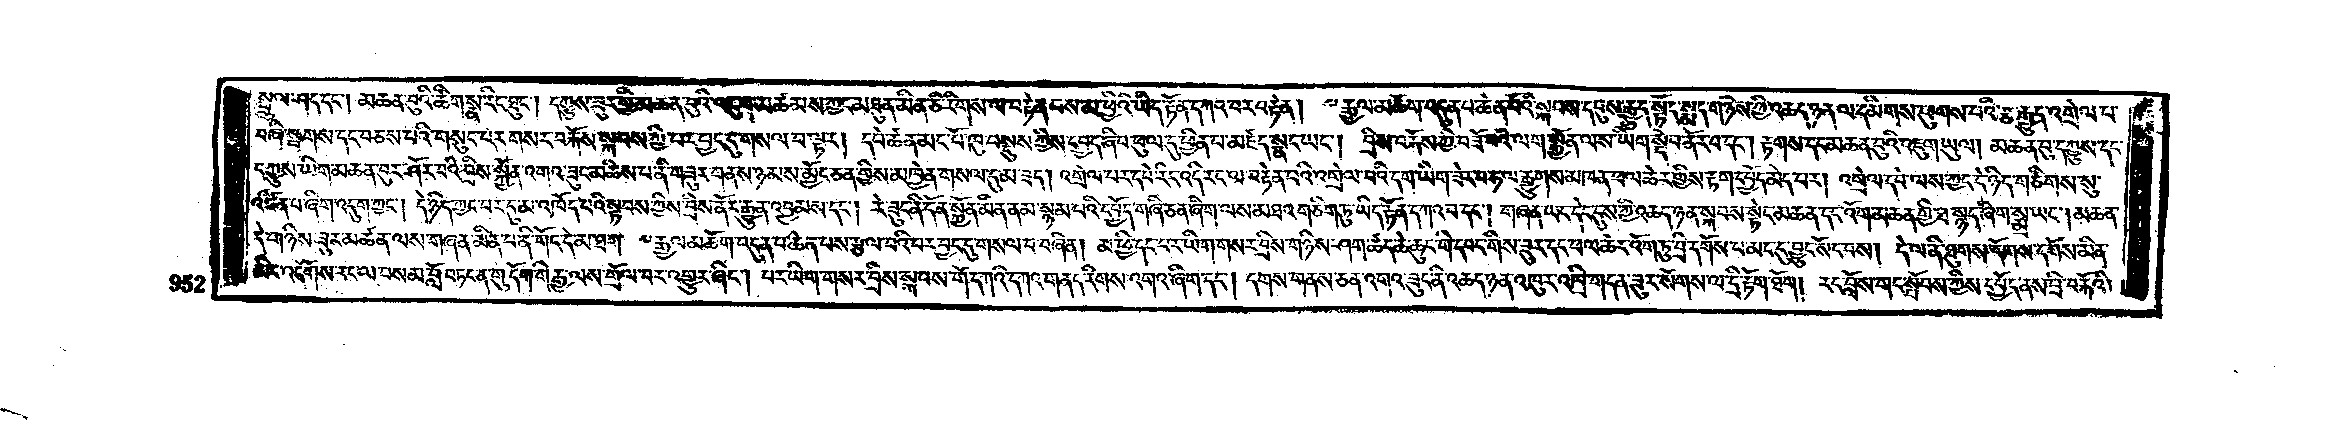སྤྲུལ་ཤད་དང་། མཚན་བུའི་ཚིག་སྣ་རིང་ཐུང་། དཀྱུས་ཟུར་གྱི་མཚན་བུའི་འཇུག་མཚམས་ཀྱང་མཐུན་མིན་ཅི་རིགས་ལ་བརྟེན་པས་མ་ཕྱེའི་ཡིད་རྟོན་དཀའ་བར་བརྟེན། ༧རྒྱལ་མཆོག་བདུན་པ་ཆེན་པོའི་སྐབས་དབུས་རྒྱུད་སྟོད་སྨད་གཉིས་ཀྱི་འཆད་ཉན་ལ་དམིགས་ཕུགས་པའི་རྩ་རྒྱུད་འགྲེལ་པ་
བཞི་སྦྲགས་དང་བཅས་པའི་གསུང་པར་གསར་བརྐོས་སྐབས་ཀྱི་པར་བྱང་དུ་གསལ་བ་ལྟར། དཔེ་ཚན་མང་པོ་ཁུ་བསྡུས་ཀྱིས་དཔྱད་ཞིབ་ཕུལ་དུ་ཕྱིན་པ་མཛད་སྣང་ཡང་། བྲིས་བརྐོས་ཀྱི་བཟོ་བའི་ལག་སྐྱོན་ལས་ཡིག་སྡེབ་ནོར་བ་དང་། རྟགས་དང་མཚན་བུའི་འཇུག་ཡུལ། མཚན་བུ་དཀྱུས་དང་
དཀྱུས་ཡིག་མཚན་བུར་ཤོར་བའི་བྲིས་སྐྱོན་འགའ་ཟུང་མཆིས་པ་ནི་གཟུར་གནས་ཉམས་མྱོང་ཅན་གྱིས་མཁྱེན་གསལ་དུ་མ་ཟད། འགྲེལ་པར་དཔེ་རིང་འདི་རང་ལ་བརྟེན་པའི་འགྲེལ་པའི་དག་ཡིག་ཟེར་བ་ཧལ་རྒྱུགས་མཁན་ཕལ་ཆེར་ཀྱིས་རྟག་དཔྱོད་མེད་པར། འགྲེལ་དཔེ་ལས་ཀྱང་དེ་ཉིད་གཙིགས་སུ་
འཛིན་པ་ཞིག་འདུག་ཀྱང་། དེ་ཉིད་ཀྱང་པར་དུ་མ་འཁོད་པའི་སྟོབས་ཀྱིས་བྲིས་ནོར་རྒྱུན་འབྱམས་དང་། རེ་ཟུང་ནི་དོན་སྐྱོན་མིན་ནམ་སྙམ་པའི་དཔྱོད་གཞི་ཅན་ཞིག་ལས་མཐའ་གཅིག་ཏུ་ཡིད་རྟོན་དཀའ་བ་དང་། གཞན་ཡང་དེང་དུས་ཀྱི་འཆད་ཉན་སྐབས་སྟེང་མཚན་དང་འོག་མཚན་གྱི་ཐ་སྙད་ཞིག་སྨྲ་ཡང་། མཚན་
དེ་གཉིས་ཟུར་མཚན་ལས་གཞན་མིན་པ་ནི་གོང་ད་མ་ཐག་༧རྒྱལ་མཆོག་བདུན་པ་ཆེན་པས་རྩལ་བའི་པར་བྱང་དུ་གསལ་བ་བཞིན། མ་ཕྱི་དང་པར་ཡིག་གསར་བྲིས་གཉིས་ཤག་ཚད་ཆེ་ཆུང་གི་དབང་གིས་ཟུར་དང་ཕལ་ཆེར་འོག་ཏུ་བྲི་དགོས་པ་མང་དུ་བྱུང་སོང་བས། དེ་ལ་ནི་ཐུགས་དོགས་དགོས་མིན་
མིང་འདོགས་རང་ལ་བསམ་བློ་བཏང་ན་གུ་དོག་གི་རྒྱ་ལས་གྲོལ་བར་འགྱུར་ཞིང་། པར་ཡིག་གསར་བྲིས་སྐབས་གོ་དཀའི་དཀའ་གནད་རིགས་འགའ་ཞིག་དང་། དགོས་གནས་ཅན་འགའ་ཟུང་ནི་འཆད་ཉན་འཁུར་འཁྲི་གདན་ཟུར་སོགས་ལ་དྲི་རྟོག་ཐོག །རང་བློས་གང་སྤོབས་ཀྱིས་དཔྱོད་ནས་བྲི་བརྐོའི་